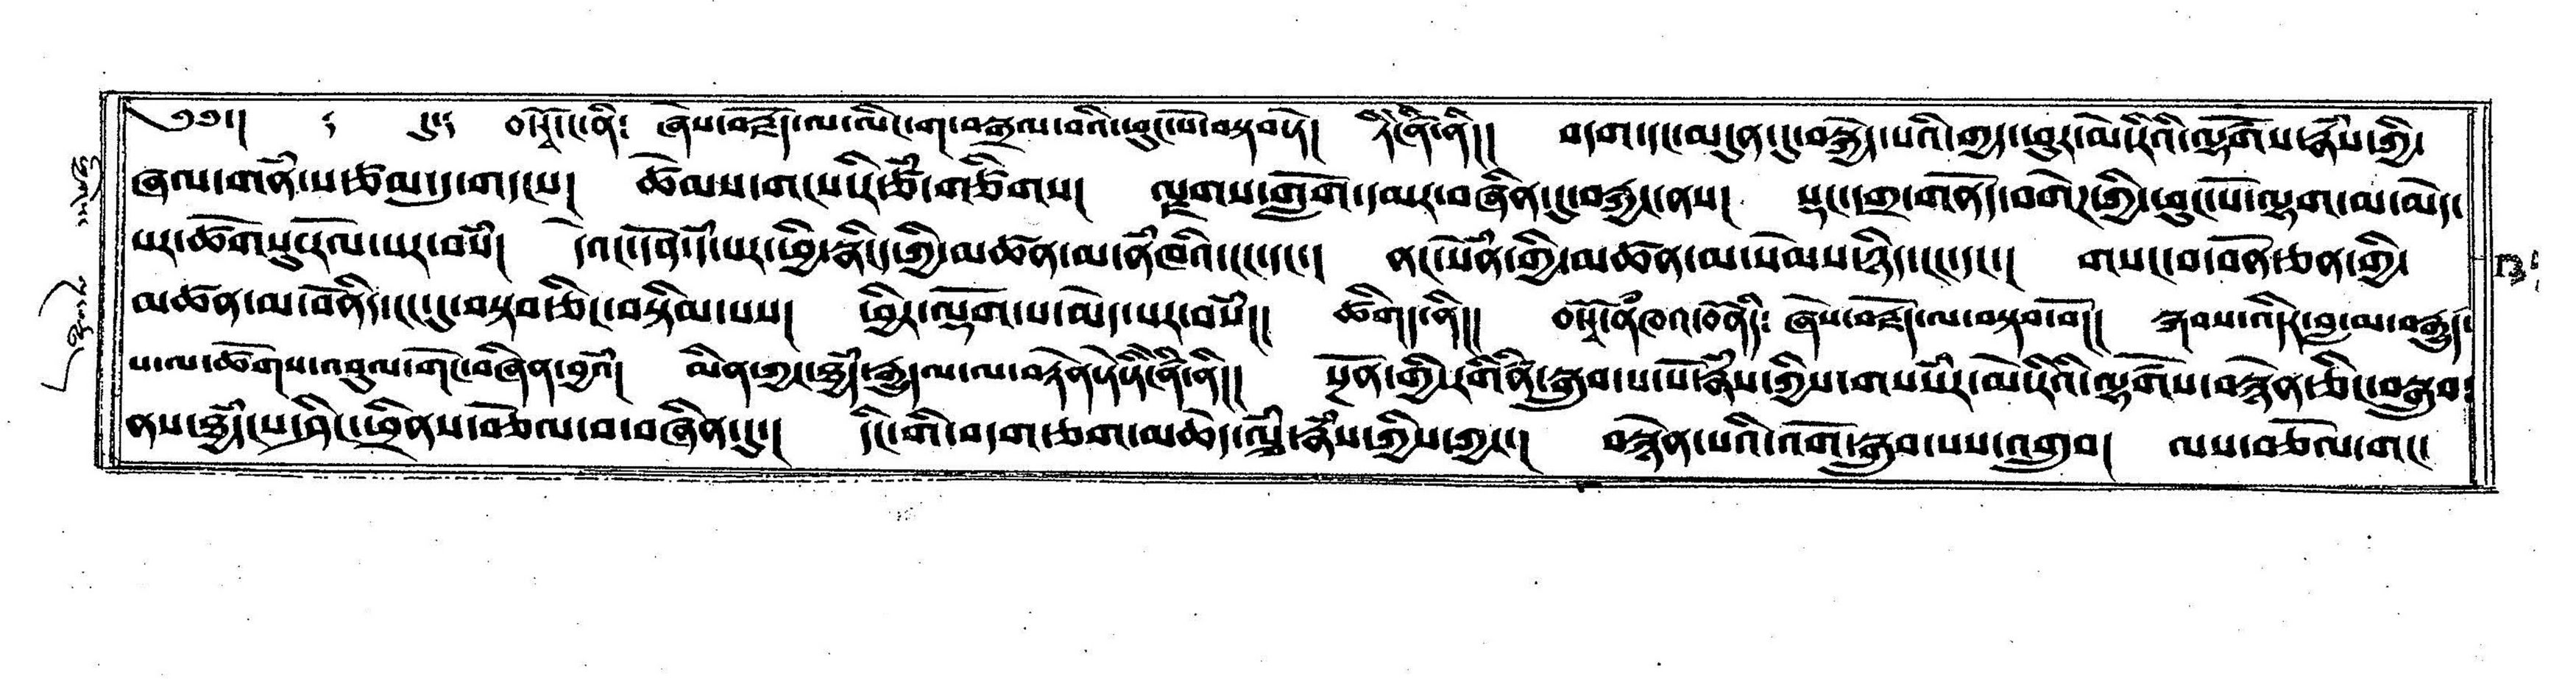དུ། བསྭོ་ང་ནི༴ ཞེས་བརྗོད་ལ་ལིང་ག་བསྒྲལ་བའི་ཕུང་པོ་བསྟབ་ཏེ། ཏིང་ངེ་འཛིན་ནི།། བདག་དང་མདུན་དུ་བསྐྱེད་པའི་གྱད་ཕུར་མེ་རིའི་ལྷ་ཚོགས་རྣམས་ཀྱི་
ཞལ་གནམ་ས་ཙམ་དུ་གདངས། ཚེམས་གངས་རི་ཙམ་གཙིགས། ལྗགས་གློག་དམར་བཞིན་དུ་བརྐྱང་ནས། སྡང་དགྲ་གནོད་བགེགས་ཀྱི་ཕུང་པོ་ལྷག་མ་མེད་
པར་ཚོགས་སུ་རོལ་པར་བསམ། དེ་འང་དོན་དམ་པར་ཕྱི་སྣང་སྲིད་ཀྱི་མཚན་མ་ནམ་མཁའི་ངང་དང་། ནང་སེམས་ཅན་གྱི་མཚན་མ་སེམས་ཉིད་ངང་དང་། གསང་བ་བོན་ཅན་གྱི་
མཚན་མ་བོན་ཉིད་ངང་དུ་བསྟབ་ཅིང་བསྟིམ་པས། ཕྱིར་ལྡོག་པ་མེད་པར་བསམ།། ཚིག་བཤད་ནི།། བསྭོ་ནམ་མཁའ་བོན་ཉིད༴ ཞེས་བརྗོད་ལ་བསྟབ་བོ།། སྐབས་འདིར་བླ་མ་བརྒྱུད་
པ་ལ་ཚོགས་འབུལ་གོང་བཞིན་བྱའམ། མིན་ཀྱང་ཐུགས་དམ་རྒྱུད་བསྐུལ་ལ་བརྟེན་ཏེ་ཏིང་ངེ་འཛིན་ནི།། སྔོན་གྱི་རིག་འཛིན་སྒྲུབ་པ་པོ་རྣམས་ཀྱིས་གསས་མཁར་མེ་རིའི་ལྷ་ཚོགས་བསྙེན་ཅིང་བསྒྲུབ་
ནས་ཐུགས་དང་བསྐངས་ཤིང་ཕྲིན་ལས་བཅོལ་བ་བཞིན་དུ། དིང་གི་བདག་ཅག་མཆེད་ལྕམ་རྣམས་ཀྱིས་ཀྱང་། བསྙེན་པའི་འོག་སྒྲུབ་པས་འགྲུབ། ལས་བཅོལ་གང་